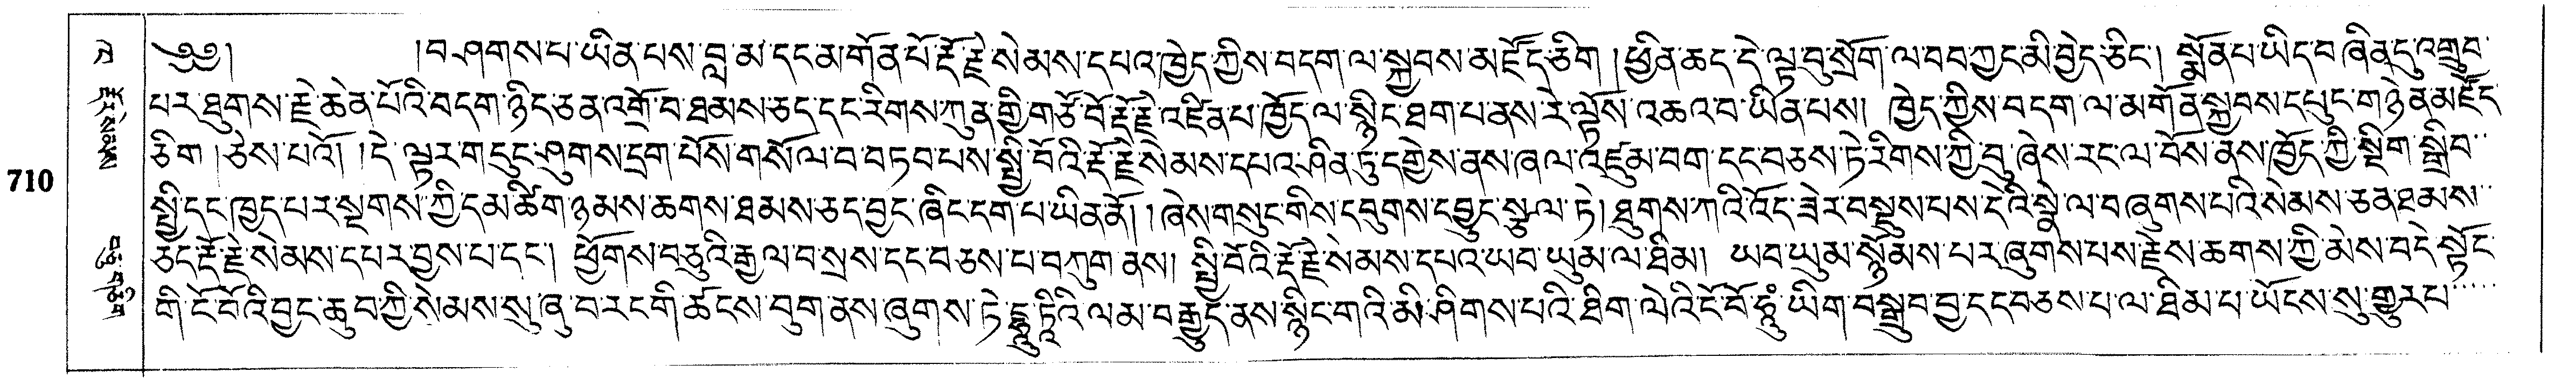༄༅། །བཤགས་པ་ཡིན་པས་བླ་མ་དང་མགོན་པོ་རྡོ་རྗེ་སེམས་དཔའ་ཁྱེད་ཀྱིས་བདག་ལ་སྐྱབས་མཛོད་ཅིག །ཕྱིན་ཆད་དེ་ལྟ་བུ་སྲོག་ལ་བབ་ཀྱང་མི་བྱེད་ཅིང་། སྨོན་པ་ཡིད་བཞིན་དུ་འགྲུབ་
པར་ཐུགས་རྗེ་ཆེན་པོའི་བདག་ཉིད་ཅན་འགྲོ་བ་ཐམས་ཅད་དང་རིགས་ཀུན་གྱི་གཙོ་བོ་རྡོ་རྗེ་འཛིན་པ་ཁྱོད་ལ་སྙིང་ཐག་པ་ནས་རེ་ལྟོས་འཆའ་བ་ཡིན་པས། ཁྱེད་ཀྱིས་བདག་ལ་མགོན་སྐྱབས་དཔུང་གཉེན་མཛོད་
ཅིག །ཅེས་པའོ། །དེ་ལྟར་གདུང་ཤུགས་དྲག་པོས་གསོལ་བ་བཏབ་པས་སྤྱི་བོའི་རྡོ་རྗེ་སེམས་དཔའ་ཤིན་ཏུ་དགྱེས་ནས་ཞལ་འཛུམ་བག་དང་བཅས་ཏེ་རིགས་ཀྱི་བུ་ཞེས་རང་ལ་བོས་ནས་ཁྱོད་ཀྱི་སྡིག་སྒྲིབ་
སྤྱི་དང་ཁྱད་པར་སྔགས་ཀྱི་དམ་ཚིག་ཉམས་ཆགས་ཐམས་ཅད་བྱང་ཞིང་དག་པ་ཡིན་ནོ། །ཞེས་གསུང་གིས་དབུགས་དབྱུང་སྩལ་ཏེ། ཐུགས་ཀའི་འོད་ཟེར་བསྡུས་པས་དེའི་སྣེ་ལ་བཞུགས་པའི་སེམས་ཅན་ཐམས་
ཅད་རྡོ་རྗེ་སེམས་དཔར་བྱས་པ་དང་། ཕྱོགས་བཅུའི་རྒྱལ་བ་སྲས་དང་བཅས་པ་བཀུག་ནས། སྤྱི་བོའི་རྡོ་རྗེ་སེམས་དཔའ་ཡབ་ཡུམ་ལ་ཐིམ། ཡབ་ཡུམ་ཉོམས་པར་ཞུགས་པས་རྗེས་ཆགས་ཀྱི་མེས་བདེ་སྟོང་
གི་ངོ་བོའི་བྱང་ཆུབ་ཀྱི་སེམས་སུ་ཞུ་བ་རང་གི་ཚངས་བུག་ནས་ཞུགས་ཏེ་དྷཱུ་ཏཱིའི་ལམ་བརྒྱུད་ནས་སྙིང་གའི་མི་ཤིགས་པའི་ཐིག་ལེའི་ངོ་བོ་ཧཱུཾ་ཡིག་བསྒྲུབ་བྱ་དང་བཅས་པ་ལ་ཐིམ་པ་ཡོངས་སུ་གྱུར་པ་